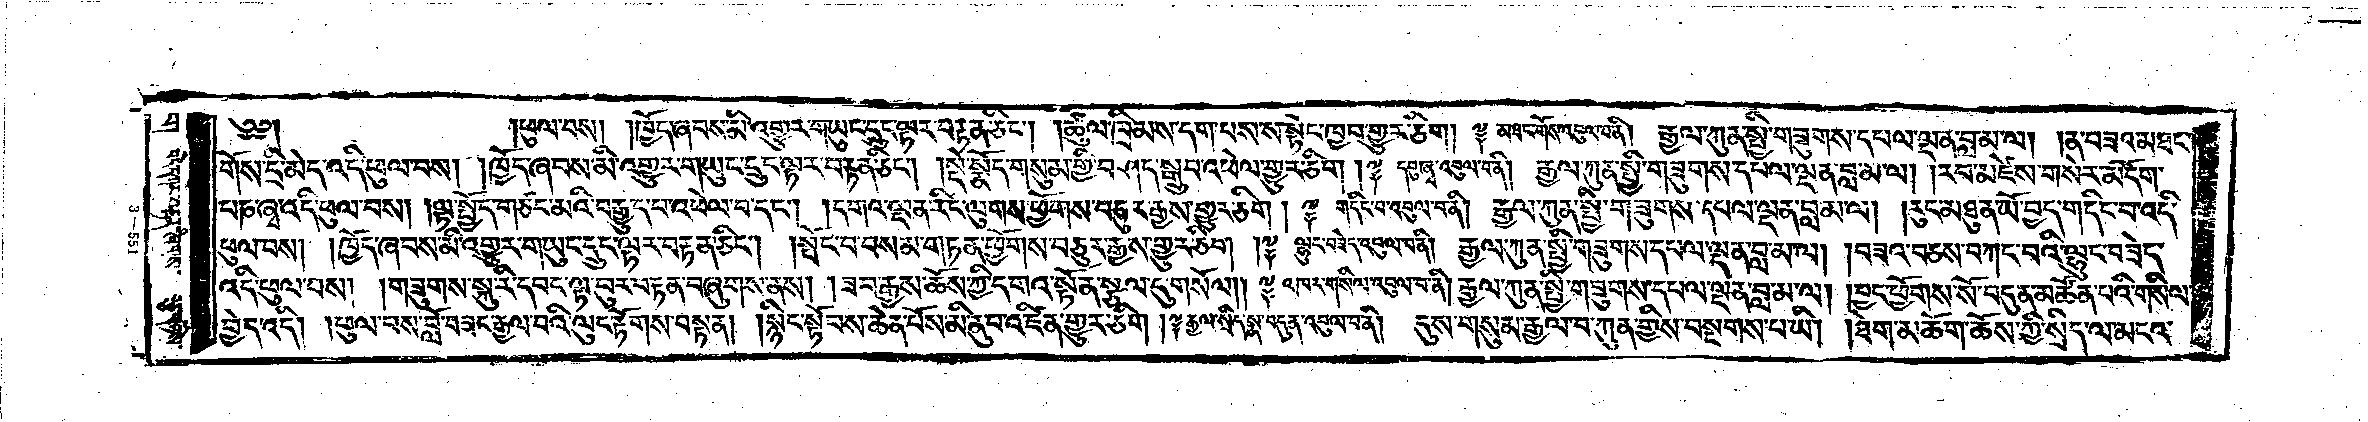༄༅། །ཕུལ་བས། །ཁྱོད་ཞབས་མི་འགྱུར་གཡུང་དྲུང་ལྟར་བརྟན་ཅིང་། །ཚུལ་ཁྲིམས་དག་པས་ས་སྟེང་ཁྱབ་གྱུར་ཅིག ། ༈ མཐང་གོས་འབུལ་བ་ནི།  རྒྱལ་ཀུན་སྤྱི་གཟུགས་དཔལ་ལྡན་བླ་མ་ལ། །ན་བཟའ་མཐང་
གོས་དྲི་མེད་འདི་ཕུལ་བས། །ཁྱོད་ཞབས་མི་འགྱུར་གཡུང་དྲུང་ལྟར་བརྟན་ཅིང་། །སྡེ་སྣོད་གསུམ་གྱི་བཤད་སྒྲུབ་འཕེལ་གྱུར་ཅིག་། ༈ དབུ་ཞྭ་འབུལ་བ་ནི།  རྒྱལ་ཀུན་སྤྱི་གཟུགས་དཔལ་ལྡན་བླ་མ་ལ། །རབ་མཛེས་གསེར་མདོག་
པཎ་ཞྭ་འདི་ཕུལ་བས། །ལྟ་སྤྱོད་གཙང་མའི་བརྒྱུད་པ་འཕེལ་བ་དང་། །དགའ་ལྡན་རིང་ལུགས་ཕྱོགས་བཅུར་རྒྱས་གྱུར་ཅིག ། ༈ གདིང་བ་འབུལ་བ་ནི།  རྒྱལ་ཀུན་སྤྱི་གཟུགས་དཔལ་ལྡན་བླ་མ་ལ། །རུང་མཐུན་ཡོ་བྱད་གདིང་བ་འདི་
ཕུལ་བས། །ཁྱོད་ཞབས་མི་འགྱུར་གཡུང་དྲུང་ལྟར་བརྟན་ཅིང་། །སྤོང་བ་བསམ་གཏན་ཕྱོགས་བཅུར་རྒྱས་གྱུར་ཅིག་།༈ ལྷུང་བཟེད་འབུལ་བ་ནི།  རྒྱལ་ཀུན་སྤྱི་གཟུགས་དཔལ་ལྡན་བླ་མ་ལ། །བཟའ་བཅས་བཀང་བའི་ལྷུང་བཟེད་
འདི་ཕུལ་བས། །གཟུགས་སྐུ་རི་དབང་ལྟ་བུར་བརྟན་བཞུགས་ནས། །ཟབ་རྒྱས་ཆོས་ཀྱི་དགའ་སྟོན་སྩལ་དུ་གསོལ། །༈ འཁར་གསིལ་འབུལ་བ་ནི།  རྒྱལ་ཀུན་སྤྱི་གཟུགས་དཔལ་ལྡན་བླ་མ་ལ། །བྱང་ཕྱོགས་སོ་བདུན་མཚོན་པའི་གསིལ་
བྱེད་འདི། །ཕུལ་བས་བློ་བཟང་རྒྱལ་བའི་ལུང་རྟོགས་བསྟན། །སྙིང་སྟོབས་ཆེན་པོས་མི་ནུབ་འཛིན་གྱུར་ཅིག ། ༈ རྒྱལ་སྲིད་སྣ་བདུན་འབུལ་བ་ནི།  དུས་གསུམ་རྒྱལ་བ་ཀུན་གྱིས་བསྔགས་པ་ཡི། །ཐེག་མཆོག་ཆོས་ཀྱི་སྲིད་ལ་མངའ་